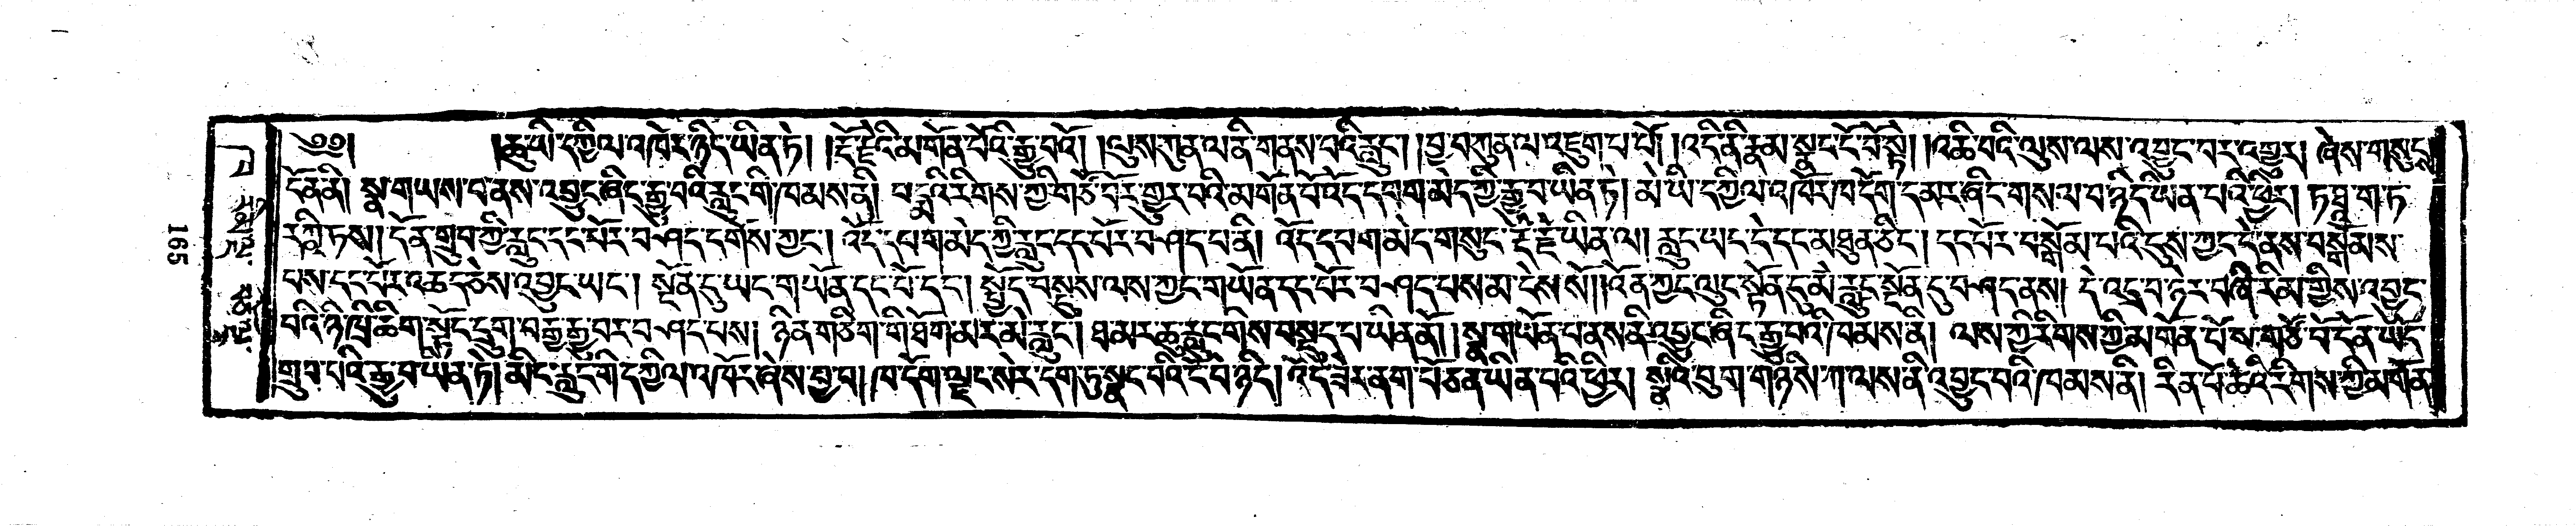༄༅། །ཆུ་ཡི་དཀྱིལ་འཁོར་ཉིད་ཡིན་ཏེ། །རྡོ་རྗེའི་མགོན་པོའི་རྒྱུ་བའོ། །ལུས་ཀུན་ལ་ནི་གནས་པའི་རླུང་། །བྱ་བ་ཀུན་ལ་འཇུག་པ་པོ། །འདི་ནི་རྣམ་སྣང་ངོ་བོ་སྟེ། །འཆི་བའི་ལུས་ལས་འབྱུང་བར་འགྱུར། ཞེས་གསུངས་
དོན་ནི། སྣ་གཡས་པ་ནས་འབྱུང་ཞིང་རྒྱུ་བའི་རླུང་གི་ཁམས་ནི། པདམའི་རིགས་ཀྱི་གཙོ་བོར་གྱུར་པའི་མགོན་པོ་འོད་དཔག་མེད་ཀྱི་རྒྱུ་བ་ཡིན་ཏེ། མེ་ཡི་དཀྱིལ་འཁོར་ཁ་དོག་དམར་ཞིང་གསལ་བ་ཉིད་ཡིན་པའི་ཕྱིར། ཏ་ཐཱ་ག་ཏ་
རཀྵི་ཏས། དོན་གྲུབ་ཀྱི་རླུང་དང་ཕོར་བཤད་དགོས་ཀྱང་། འོད་དཔག་མེད་ཀྱི་རླུང་དང་པོར་བཤད་པ་ནི། འོད་དཔག་མེད་གསུང་རྡོ་རྗེ་ཡིན་ལ། རླུང་ཡང་དེ་དང་མཐུན་ཅིང་། དང་པོར་བསྒོམ་པའི་དུས་ཀྱང་དེ་ནས་བསྒོམས་
པས་དང་པོར་འཆད་ཅེས་འབྱུང་ཡང་། སྔོན་དུ་ཡང་གཡོན་དང་པོ་དང་། སྦྱོད་བསྡུས་ལས་ཀྱང་གཡོན་དང་པོར་བཤད་པས་མ་ངེས་སོ། །འོན་ཀྱང་ལུང་སྟོན་དུ་མེ་རླུང་སྔོན་དུ་བཤད་ནས། དེ་འདྲ་བ་ཉེར་བཞི་རིམ་གྱིས་འབྱུང་
བའི་ཉི་ཁྲི་ཆིག་སྟོང་དྲུག་བརྒྱ་རྒྱུ་བར་བཤད་པས། ཉིན་གཅིག་གི་ཐོག་མར་མེ་རླུང་། ཐ་མར་ཆུ་རླུང་གིས་བསྡུད་པ་ཡིན་ནོ། །སྣ་གཡོན་པ་ནས་ནི་འབྱུང་ཞིང་རྒྱུ་བའི་ཁམས་ནི། ལས་ཀྱི་རིགས་ཀྱི་མགོན་པོ་སྟེ་གཙོ་བོ་དོན་ཡོད་
གྲུབ་པའི་རྒྱུ་བ་ཡིན་ཏེ། མིང་རླུང་གི་དཀྱིལ་འཁོར་ཞེས་བྱ་བ། ཁ་དོག་ལྗང་སེར་དག་ཏུ་སྣང་བའི་ངོ་བོ་ཉིད། འོད་ཟེར་ནག་པོ་ཅན་ཡིན་པའི་ཕྱིར། སྣའི་བུ་ག་གཉིས་ཀ་ལས་ནི་འབྱུང་བའི་ཁམས་ནི། རིན་པོ་ཆེའི་རིགས་ཀྱི་མགོན་